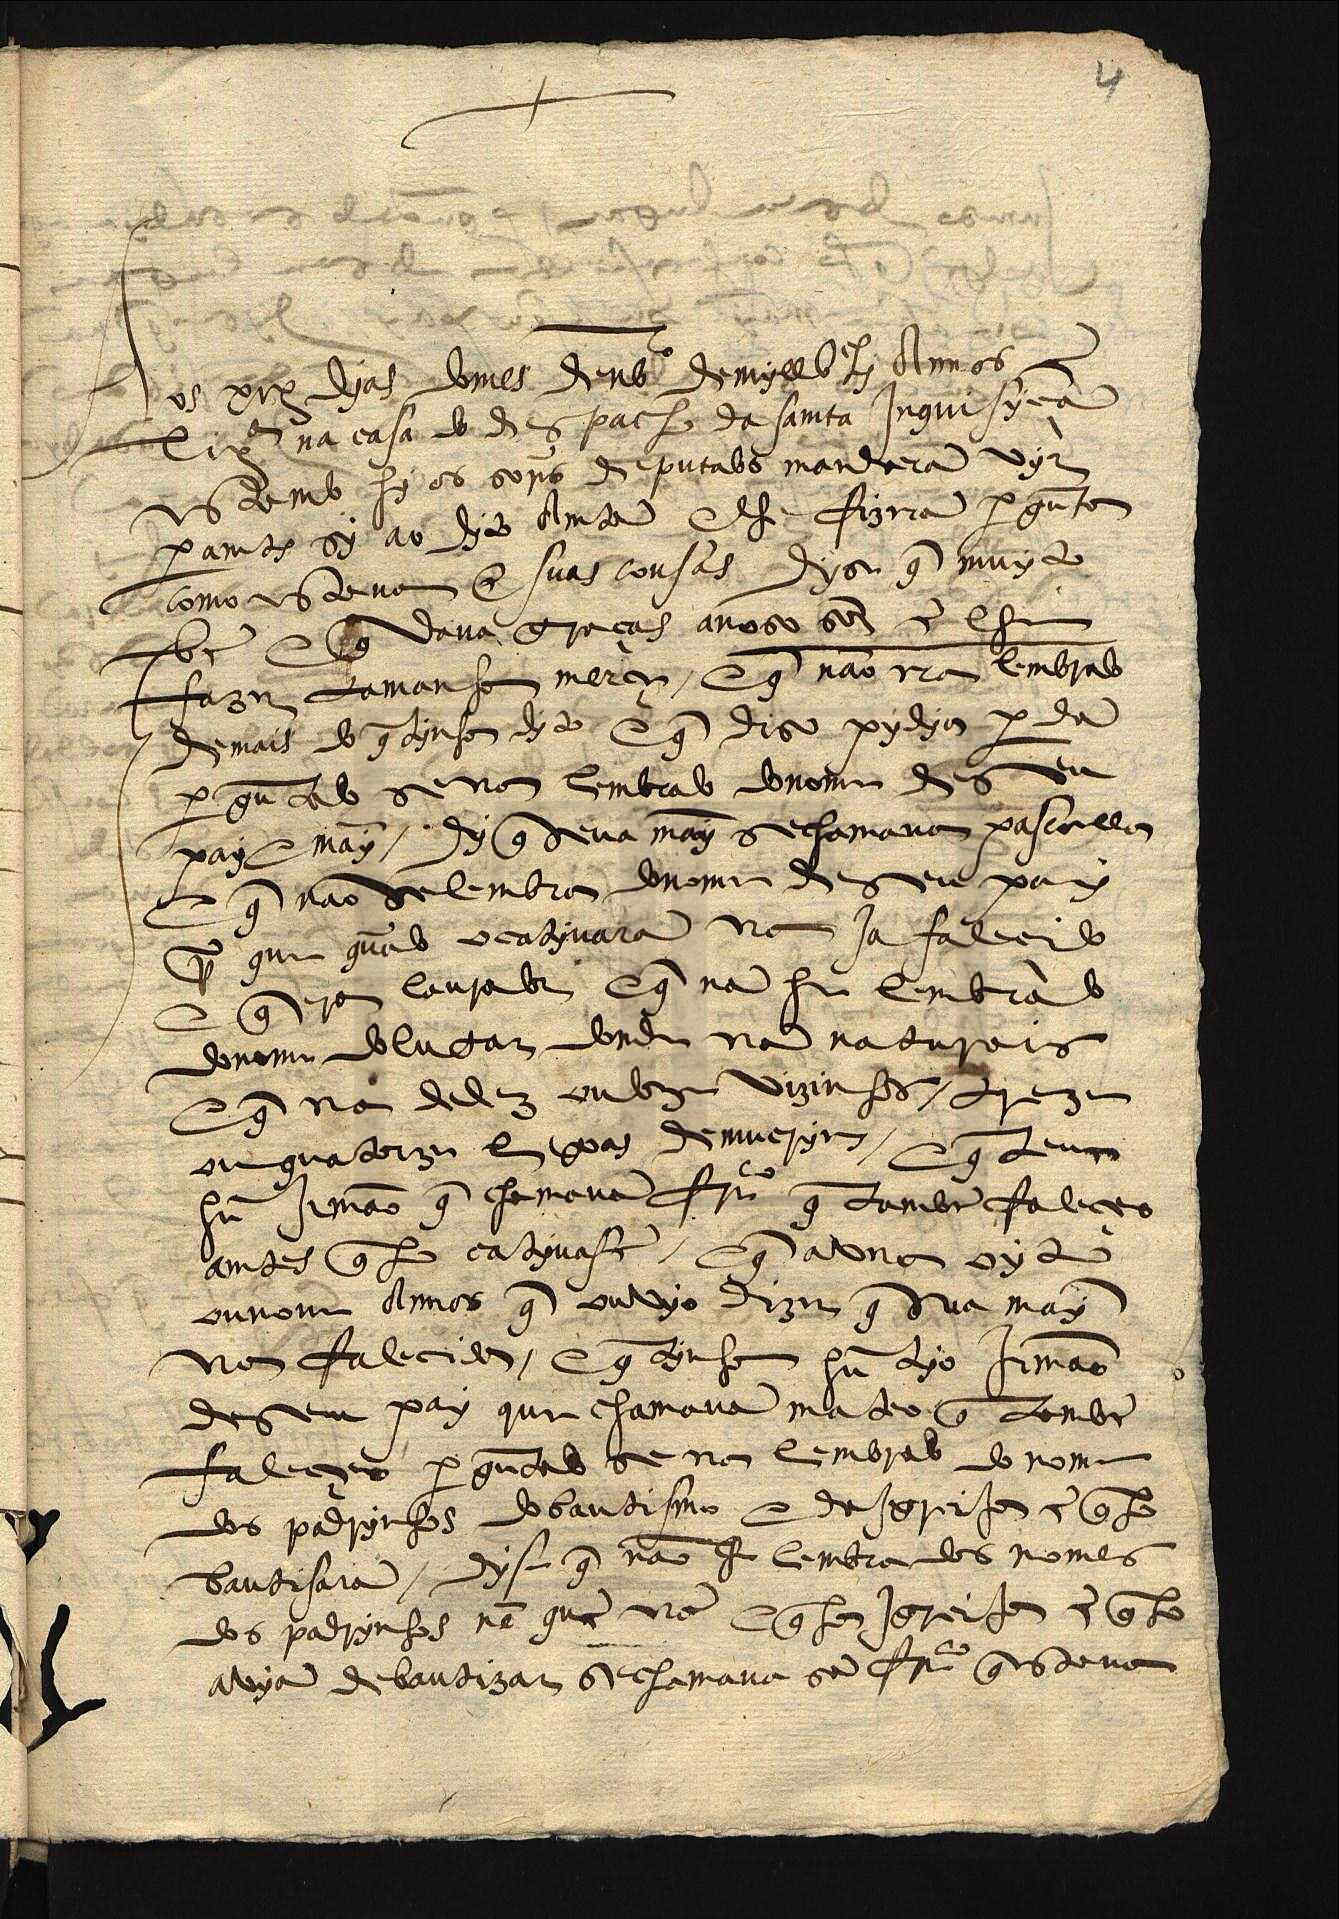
Aos xix dyas do mes de nbro de myll bc Lj Annos ē
lixa na casa do despacho da samta Jnquisyçā
estando hy os sor̄es deputados mandarā vyr
ꝑamte sy ao dyto Amtā e lhe fizerā ꝑgu̅ta
como estaua ē suas cousas dyse q̄ muyto
bē e q̄ daua graças a noso sōr ē lhe
fazer tamanha merce / e q̄ não era lembrado
de mais do q̄ tynha dyto e q̄ diso pydya ꝑdā
ꝑgūtado se era lembrado do nome de seu
pay e mãy / dy q̄ seua mãy se chamaua pascoella
e q̄ não se lembra do nome de seu pay
p̄oque qūado o catyuarā era Ja falecido
e q̄ era laurador e q̄ nā he lembrado
do nome do lugar donde erā naturais
e q̄ era de dez ou doze vizinhos / treze
ou quatorze legoas de mucryns / e q̄ teue
hū Jrmão q̄ chamauā frco q̄ tambē faleceo
amtes q̄ ho catyuasē / e q̄ avera oyto
ou noue Annos q̄ ouvyo dizer q̄ sua maỹ
era falecida / e q̄ tynha hū tyo Jrmão
de seu pay que chamauā mateo q̄ tambē
faleceo ꝑgūtado se era lembrado do nome
dos padrynhos do bautismo e da JgreiJa ē q̄ ho
bautisarā / dyse q̄ não lhe lembra dos nomes
dos padrinhos nē quē erā e q̄ ha JgreiJa ē q̄ ho
avyā de bautizar se chamaua sā frco q̄ estaua
